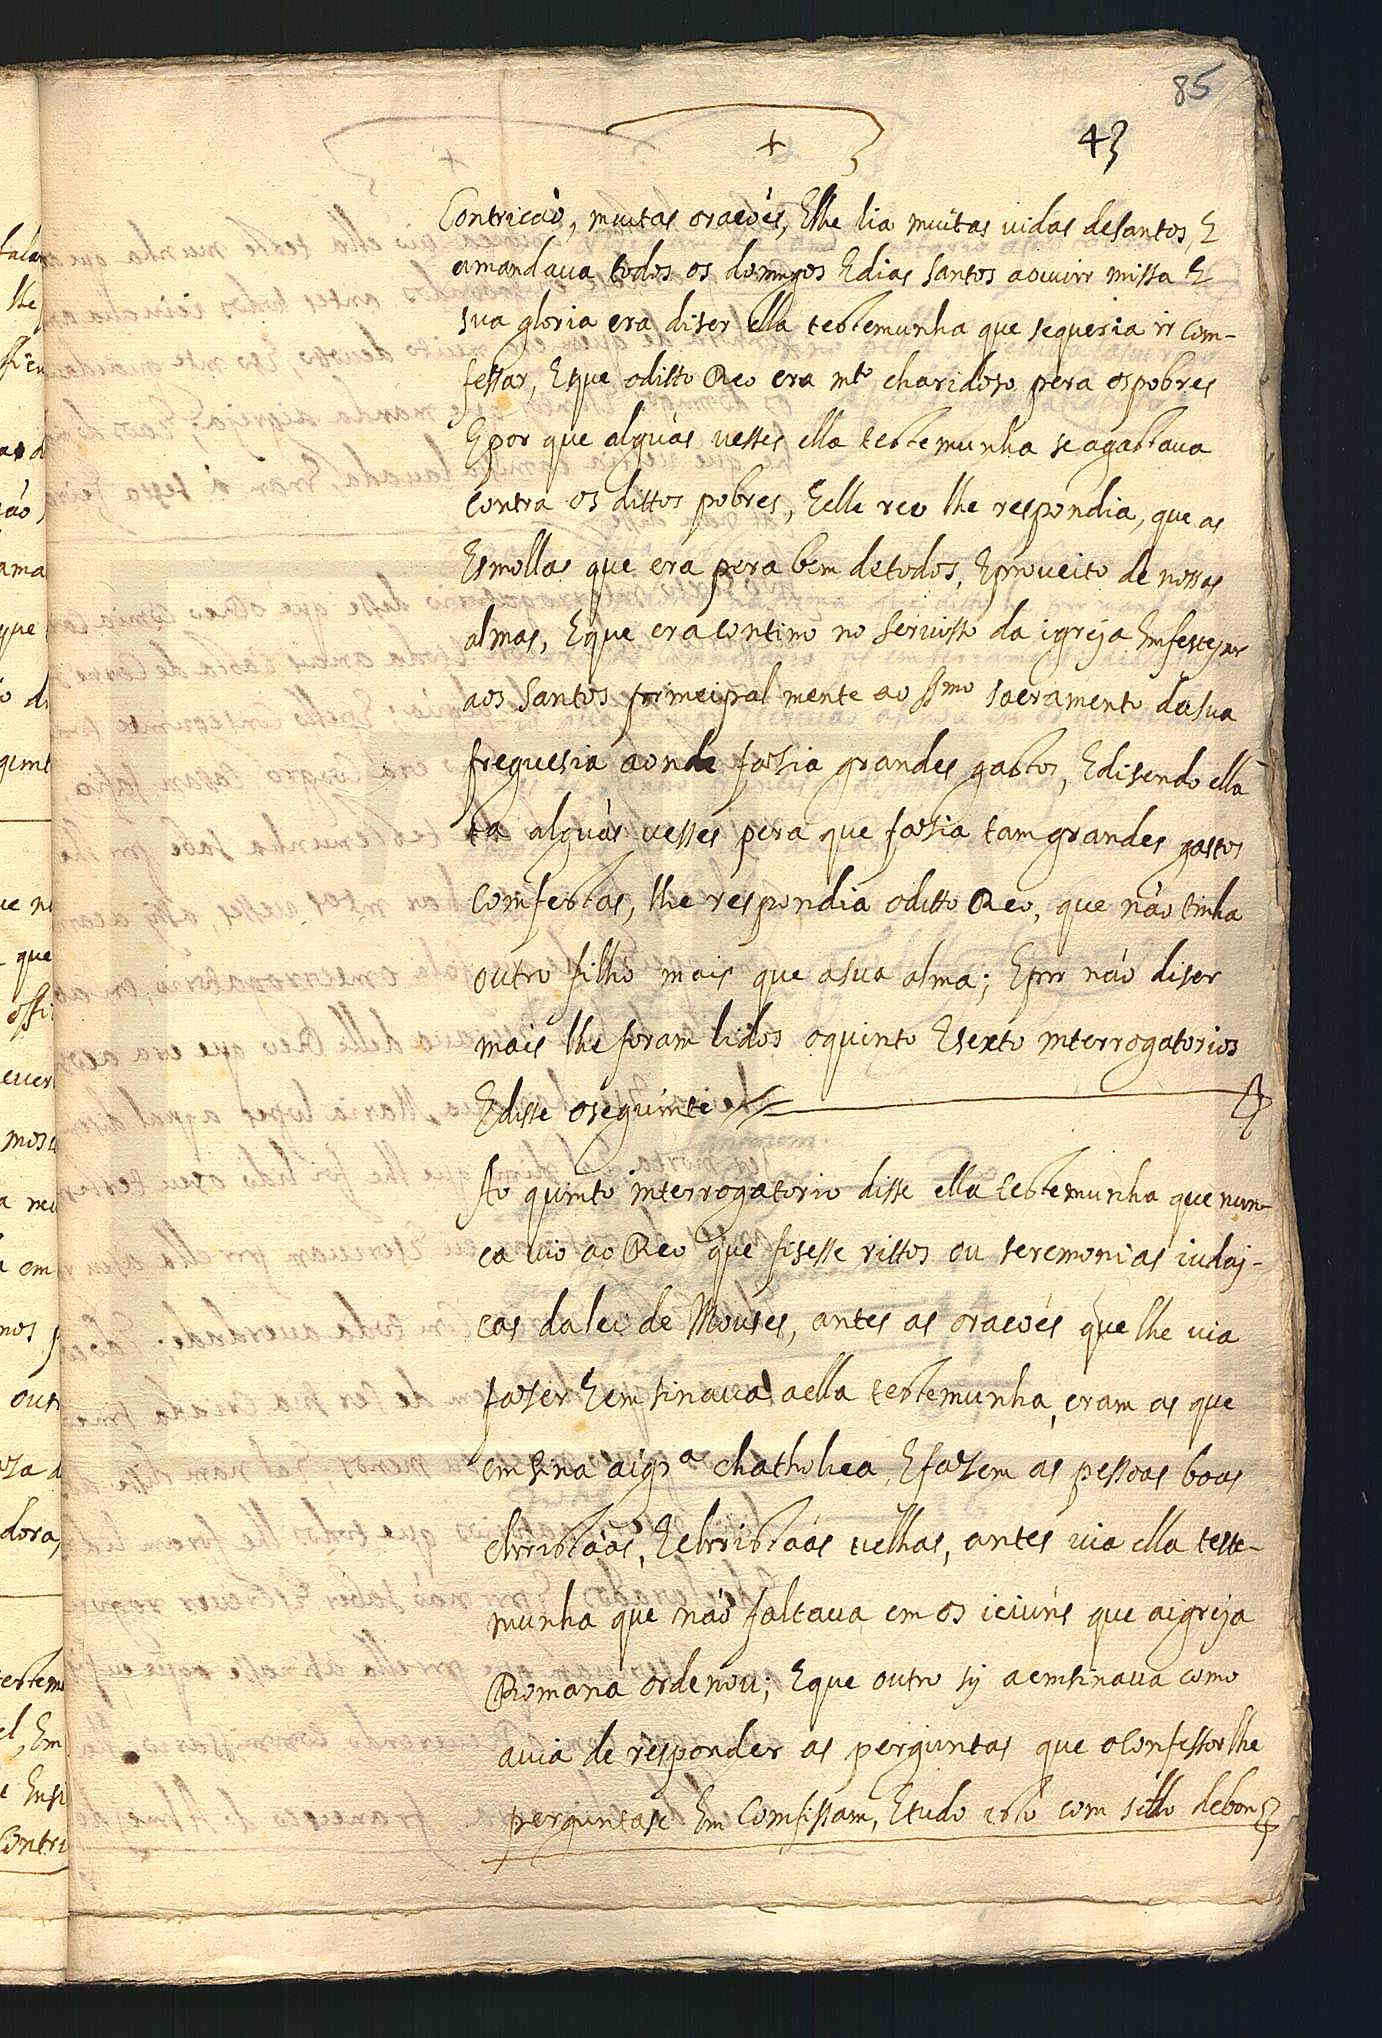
Contricaõ, muitas oracoẽs, E lhe lia muitas uidas de Santos, E
a mandaua todos os domingos E dias Santos a ouuir missa E
sua gloria era diser ella testemunha que se queria ir com
fessar, E que o ditto Reo era mto charidoso pera os pobres
E por que alguās uesses ella testemunha se agastaua
contra os dittos pobres, E elle reo lhe respondia, que as
Esmollas que era pera bem de todos, E proueito de nossas
almas, E que era contino no Seruisso da igreja Em festejar
aos Santos principalmente ao Ssmo sacramento da sua
freguesia aonde fazia grandes gastos, E disendo ella
ta alguās uesses pera que fazia tam grandes gastos
com festas, lhe respondia o ditto Reo, que não tinha
outro filho mais que a sua alma; E por não diser
mais lhe foram lidos o quinto E sexto interrogatorios
E disse o seguinte //-
Ao quinto interrogatorio disse ella testemunha que nun
ca uio ao Reo que fisesse rittos ou seremonias iudaj
cas da lei de Mouses, antes as oracoẽs que lhe uia
fazer E emsinaua a ella testemunha, eram as que
emsina a igra chatholica, E fazem as pessoas boas
christāas, E christaās uelhas, antes uia ella teste
munha que não faltaua em os ieiuns que a igreja
Romana ordenou; E que outrosy a emsinaua como
auia de responder as perguntas que o confessor lhe
perguntase Em Comfissam, E tudo isto com sello de bon
